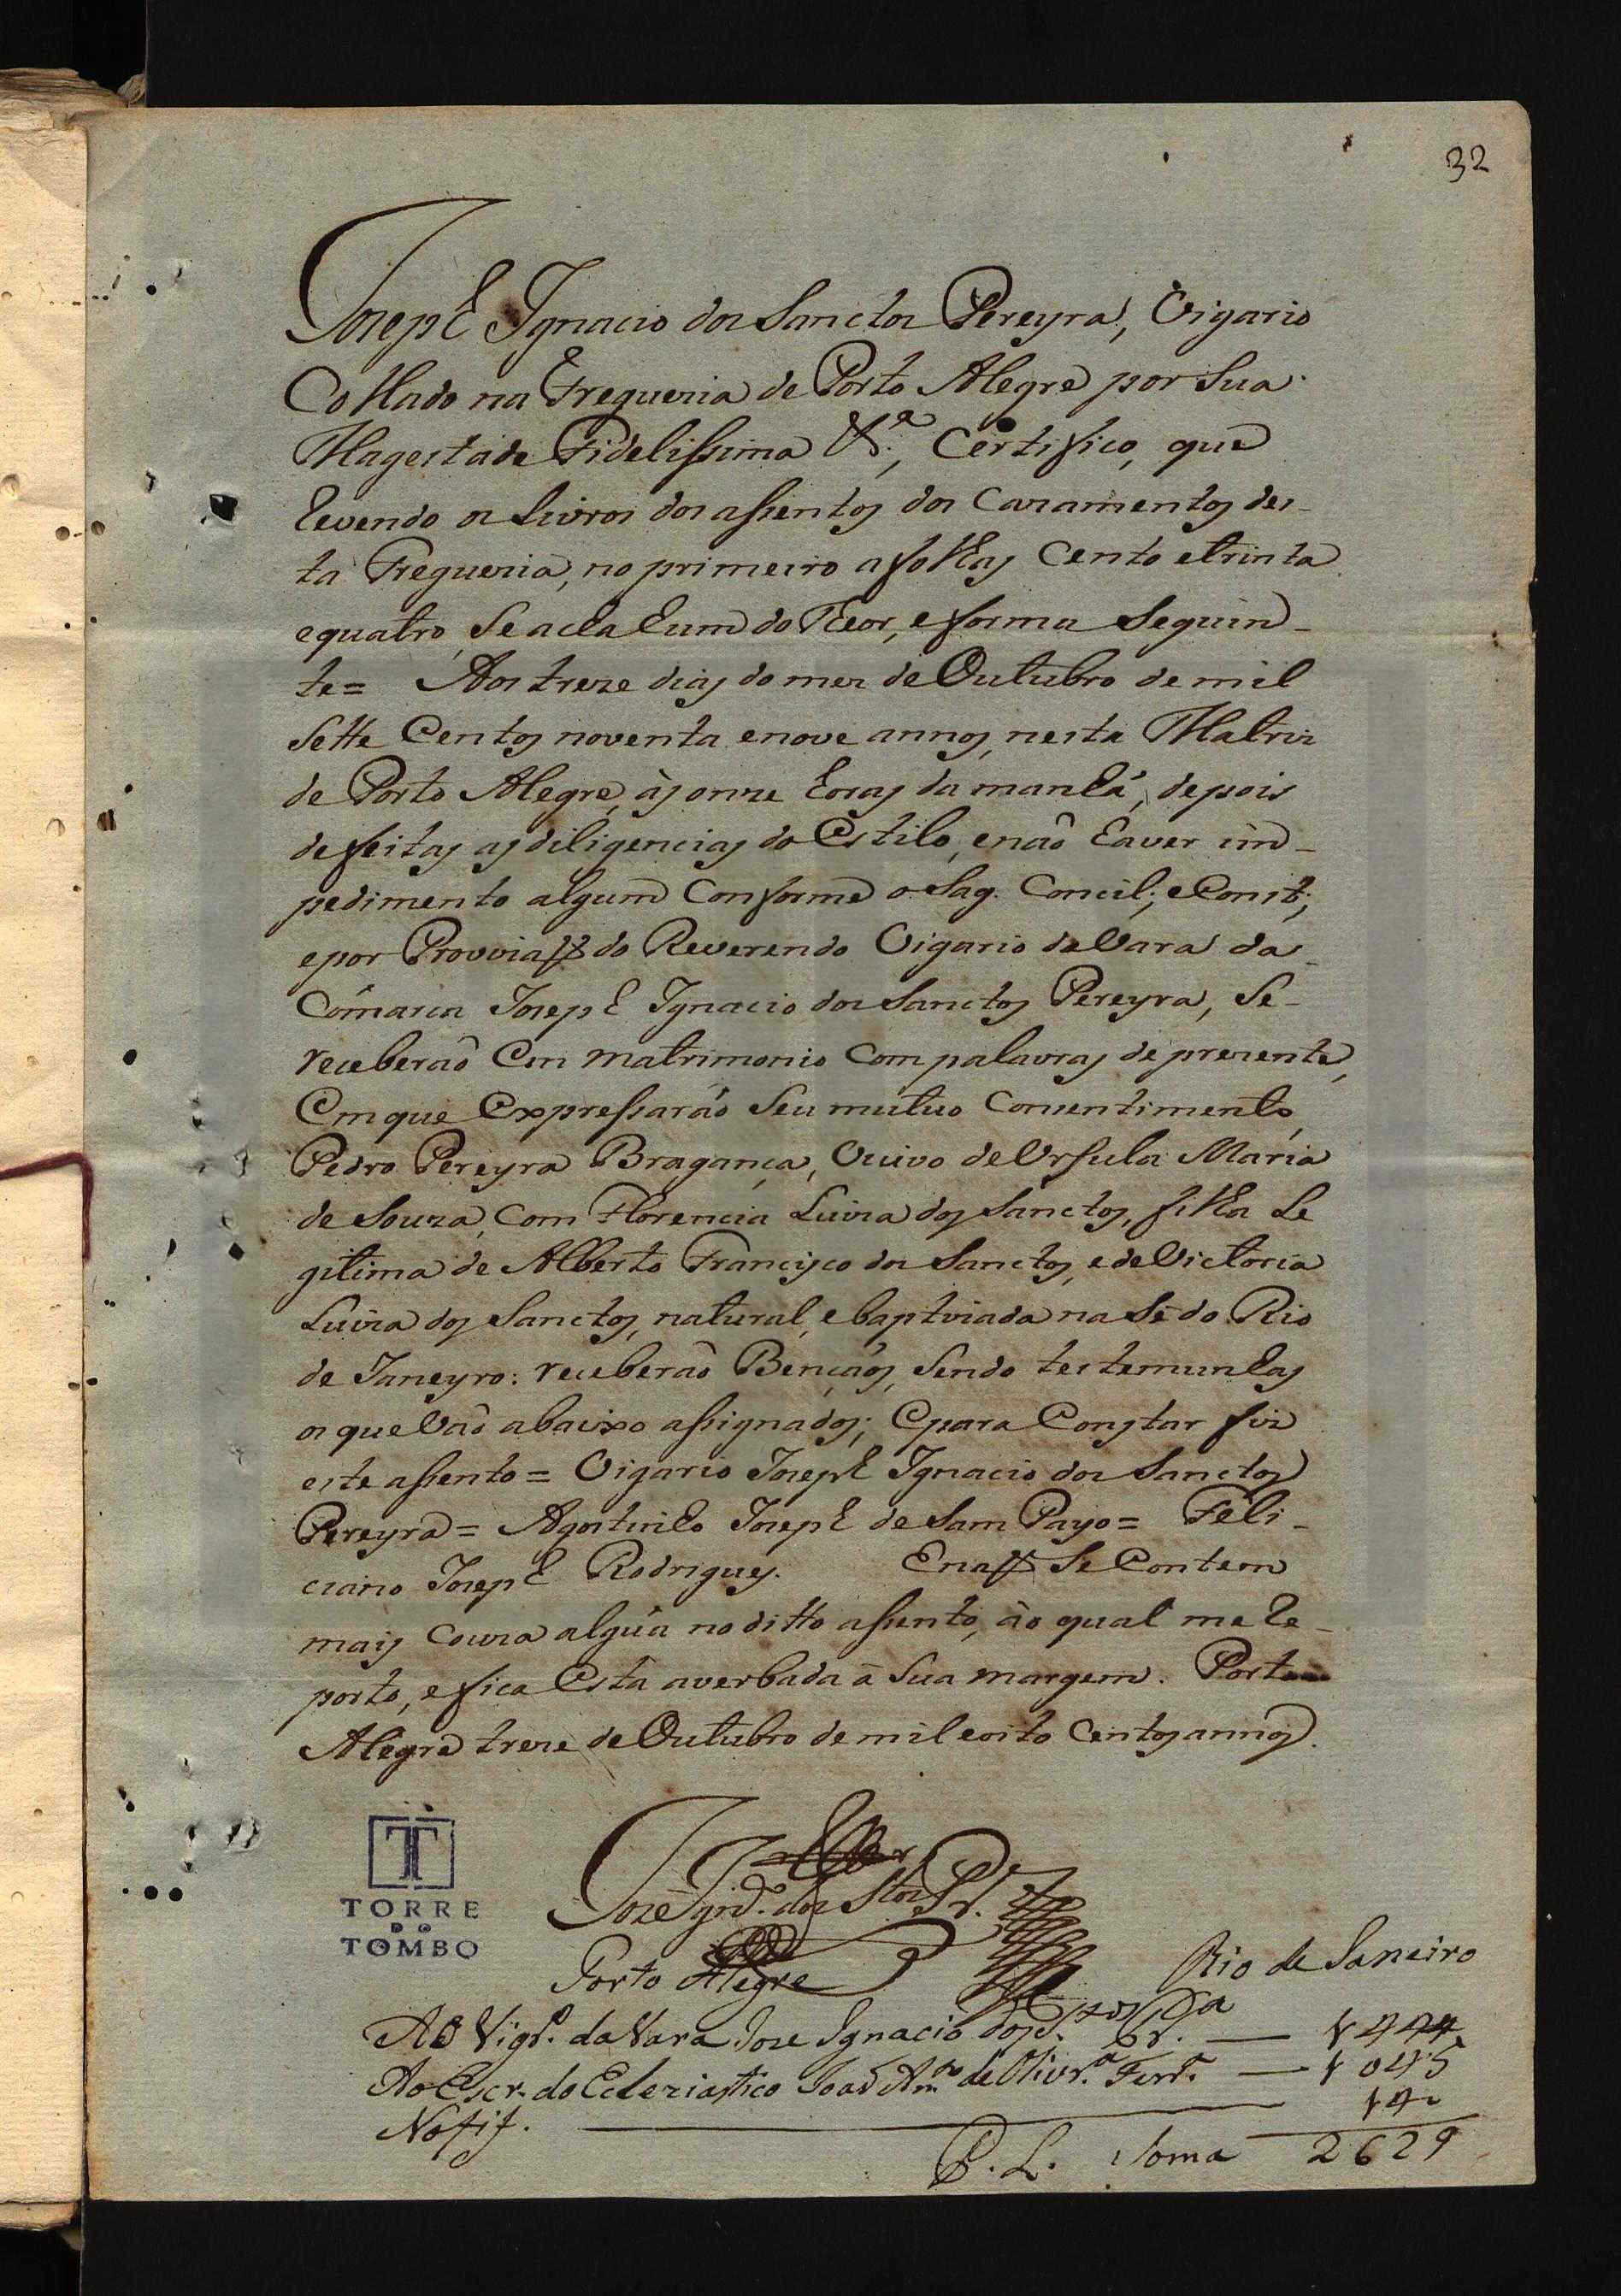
Ioseph Ignacio dos Sanctos Pereyra, Vigario
Collado na Freguezia de Porto Alegre por sua
Magestade Fidelissima &.a, Certifico, que
Revendo os livros dos assentos dos cazamentos des
ta Freguezia, no primeiro a folhas cento e trinta
e quatro, se acha hum do theor, e forma Seguin
te = Aos treze dias do mez de Outubro de mil
setteCentos e noventa e nove annos, nesta Matriz
de Porto Alegre, às onze horas da manhã, depois
de feitas as diligencias do Estilo, e naõ haver im
pedimento algum conforme o Sag. Concil; e Const;
e por Provisaõ do Reverendo Vigario da Vara da
Comarca Iozeph Ignacio dos Sanctos Pereyra, se
receberaõ Em matrimonio com palavras de prezente,
Em que Expressaraõ seu mutuo consentimento,
Pedro Pereyra Bragança, Viuvo de Ursula Maria
de Sousa, com Florencia Luiza dos Sanctos, filha Le
gitima de Alberto Francisco dos Sanctos, e de Victoria
Luiza dos Sanctos, natural e baptizada na Sé do Rio
de Ianeiro: receberaõ Bençaõs, sendo testemunhas
os que Vaõ abaixo assignados; E para Constar foi
este assento= Vigario Iozeph Ignacio dos Sanctos
Pereyra= Agostinho Iozeph de Sam Payo= Feli
ciano Iozeph Rodrigues. E naõ Se contem
mais couza alguā no ditto assento, ao qual me Re
porto, e fica Esta averbada à sua margem. Porto
Alegre treze de Outubro de mil e oitocentos annos
Rio de Ianeiro
Porto Alegre
32
